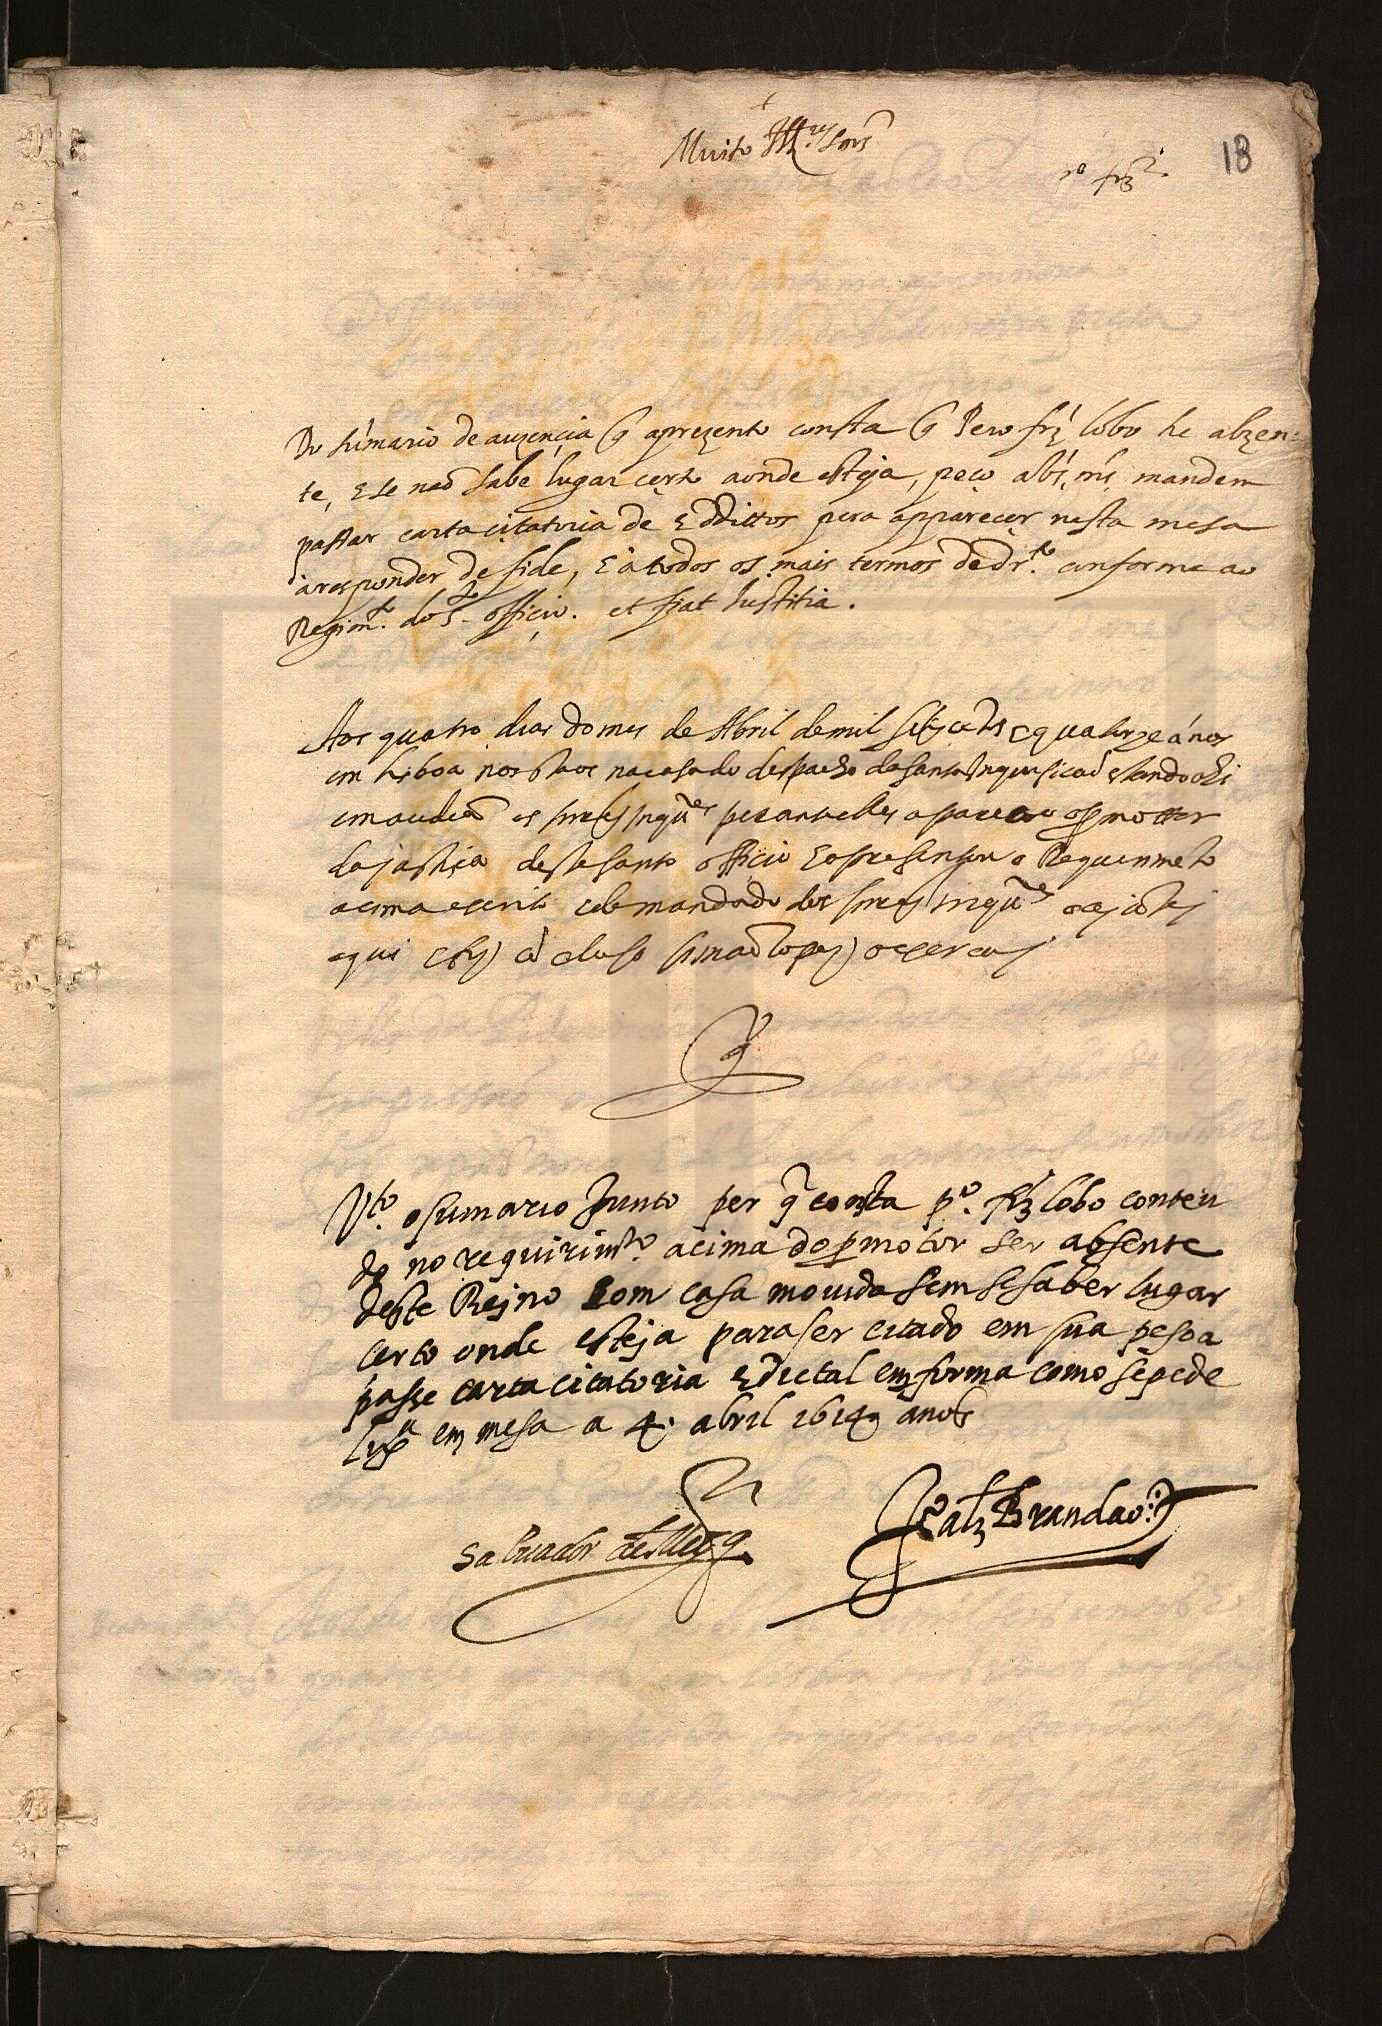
Muito Il̄l.res snrs̄
ro frz̄
Do sum̄ario de auzencia q̄ aprezento consta q̄ Pero frz̄ lobo he abzen
te, E se naõ sabe lugar certo aonde esteja, peço a vs̄. ms̄. mandem
passar carta citatoria de Eddittos pera apparecer nesta mesa
a responder de fide, E a todos os mais termos de dr.to conforme ao
Regim.to do sto. officio. et fiat Iustitia.
Aos quatro dias do mes de Abril de mil seiscētos E quatorze an̄os
em Lisboa nos staos na casa do despacho da santa Inquisiçaõ estando ahi
em audiā os snrēs Jnqures perante elles apareceo o ꝓmottor
da justiça deste santo officio E apresentou o Requerimēto
acima escrito E do mandado dos snrēs Inqures o ajuntej
aqui E fiz cōcluso simaõ lopez o escreuj
V.to o sumario Junto per q̄ consta p.o frz̄ lobo conteu
do no requerimto. acima do ꝓmotor ser absente
deste Reino com casa mouida sem se saber lugar
certo onde esteja para ser citado em sua pesoa
passe carta citatoria Edictal em forma como se pede
Lixa em mesa a 4. abril 1614 anos
